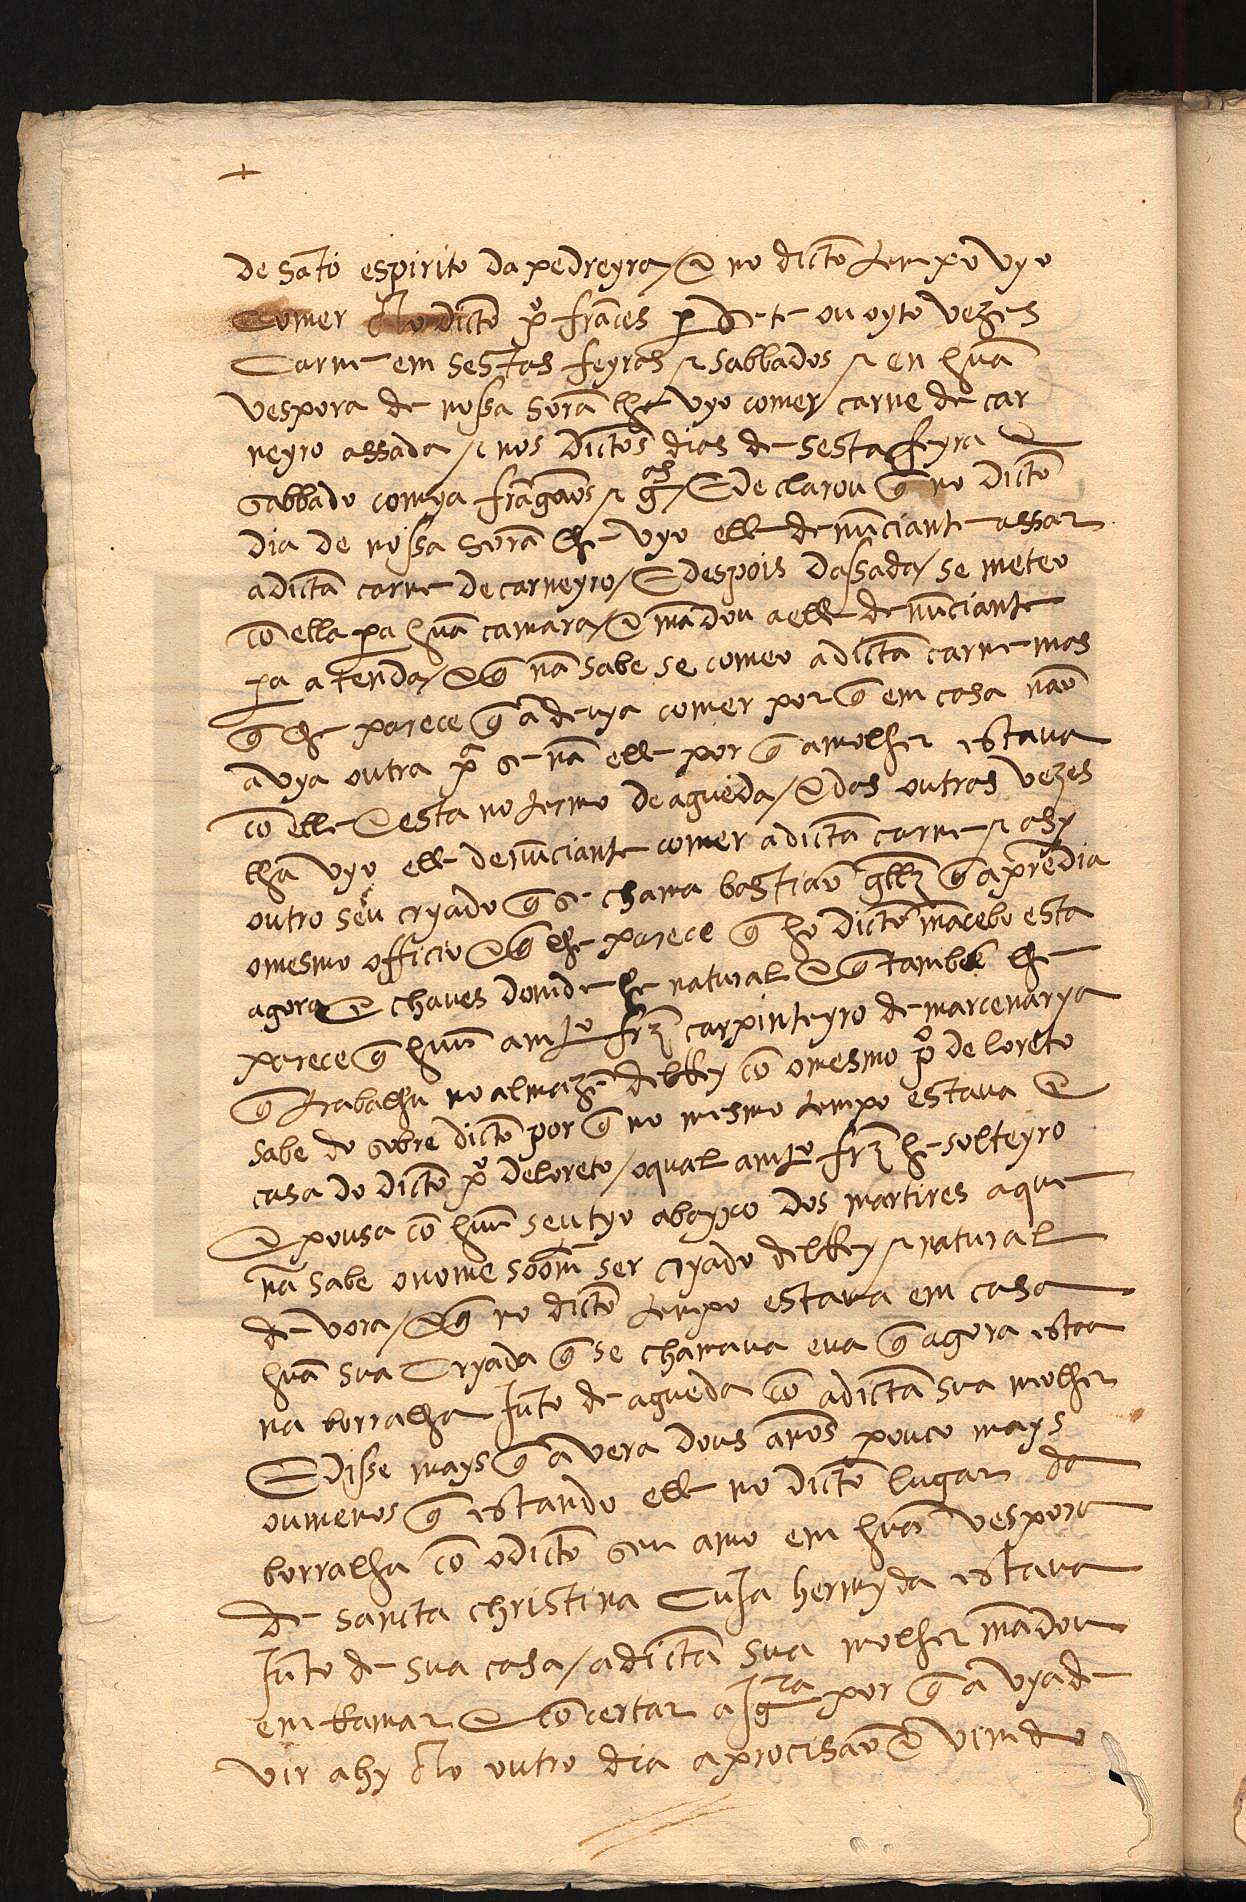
de Sāto espirito da pedreyra / e no dicto tempo vyo
Comer Ao dicto po frāces ꝑ sete ou oyto vezes
Carne em sestas feyras e sabbados e en hūa
vespora de nossa Sōra lhe vyo comer carne de car
neyro assada / e nos dictos dias de sesta feyra e
sabbado comya frāgãos e gas / E declarou q̄ no dicto
dia de nossa Sōra lhe vyo elle denūciante assar
a dicta carne de carneyro / E despois dassada / se meteo
c̄o ella ꝑa hūa camara / e mādou a elle den̄uciante
ꝑa a tenda / e q̄ n̄a sabe se comeo a dicta carne mas
q̄ lhe parece q̄ a deuya comer porq̄ em casa não
avya outra pa sen̄a elle porq̄ a molher estaua
c̄o elle e esta no termo de agueda / e das outras vezes
lha vyo elle den̄uciante comer a dicta carne e asy
outro seu cryado q̄ se chama bastiaõ ḡllz q̄ aprēdia
o mesmo officio e q̄ lhe parece q̄ ho dicto m̄acebo esta
agora ē chaues donde he naturaL e q̄ tambē lhe
parece q̄ huū amto frz̄ carpinteyro de marcenarya
q̄ trabalha no almazē del Rey cō o mesmo po de loreto
sabe do sobredicto porq̄ no mesmo tempo estaua ē
casa do dicto po de loreto / o quaL amto frz̄ he solteyro
e pousa c̄o hūu seu tyo abayxo dos martires a que
n̄a sabe o nome soomte ser cryado del Rey e naturaL
devora / e q̄ no dicto tempo estaua em casa
huā sua Cryada q̄ se chamaua eua q̄ agora estaa
na borralha Jūto de agueda c̄o a dicta sua molher
E disse mays q̄ avera dous ānos pouco mays
ou menos q̅ estando elle no dicto lugar da
borralha c̄o o dicto seu amo em huā vespora
de sancta christina CuJa hermyda estaua
Jūto de sua casa / a dicta sua molher m̅adou
emRamar e cōcertar a Jgra porq̄ avya de
vir ahy Ao outro dia a procisão e vimdo
